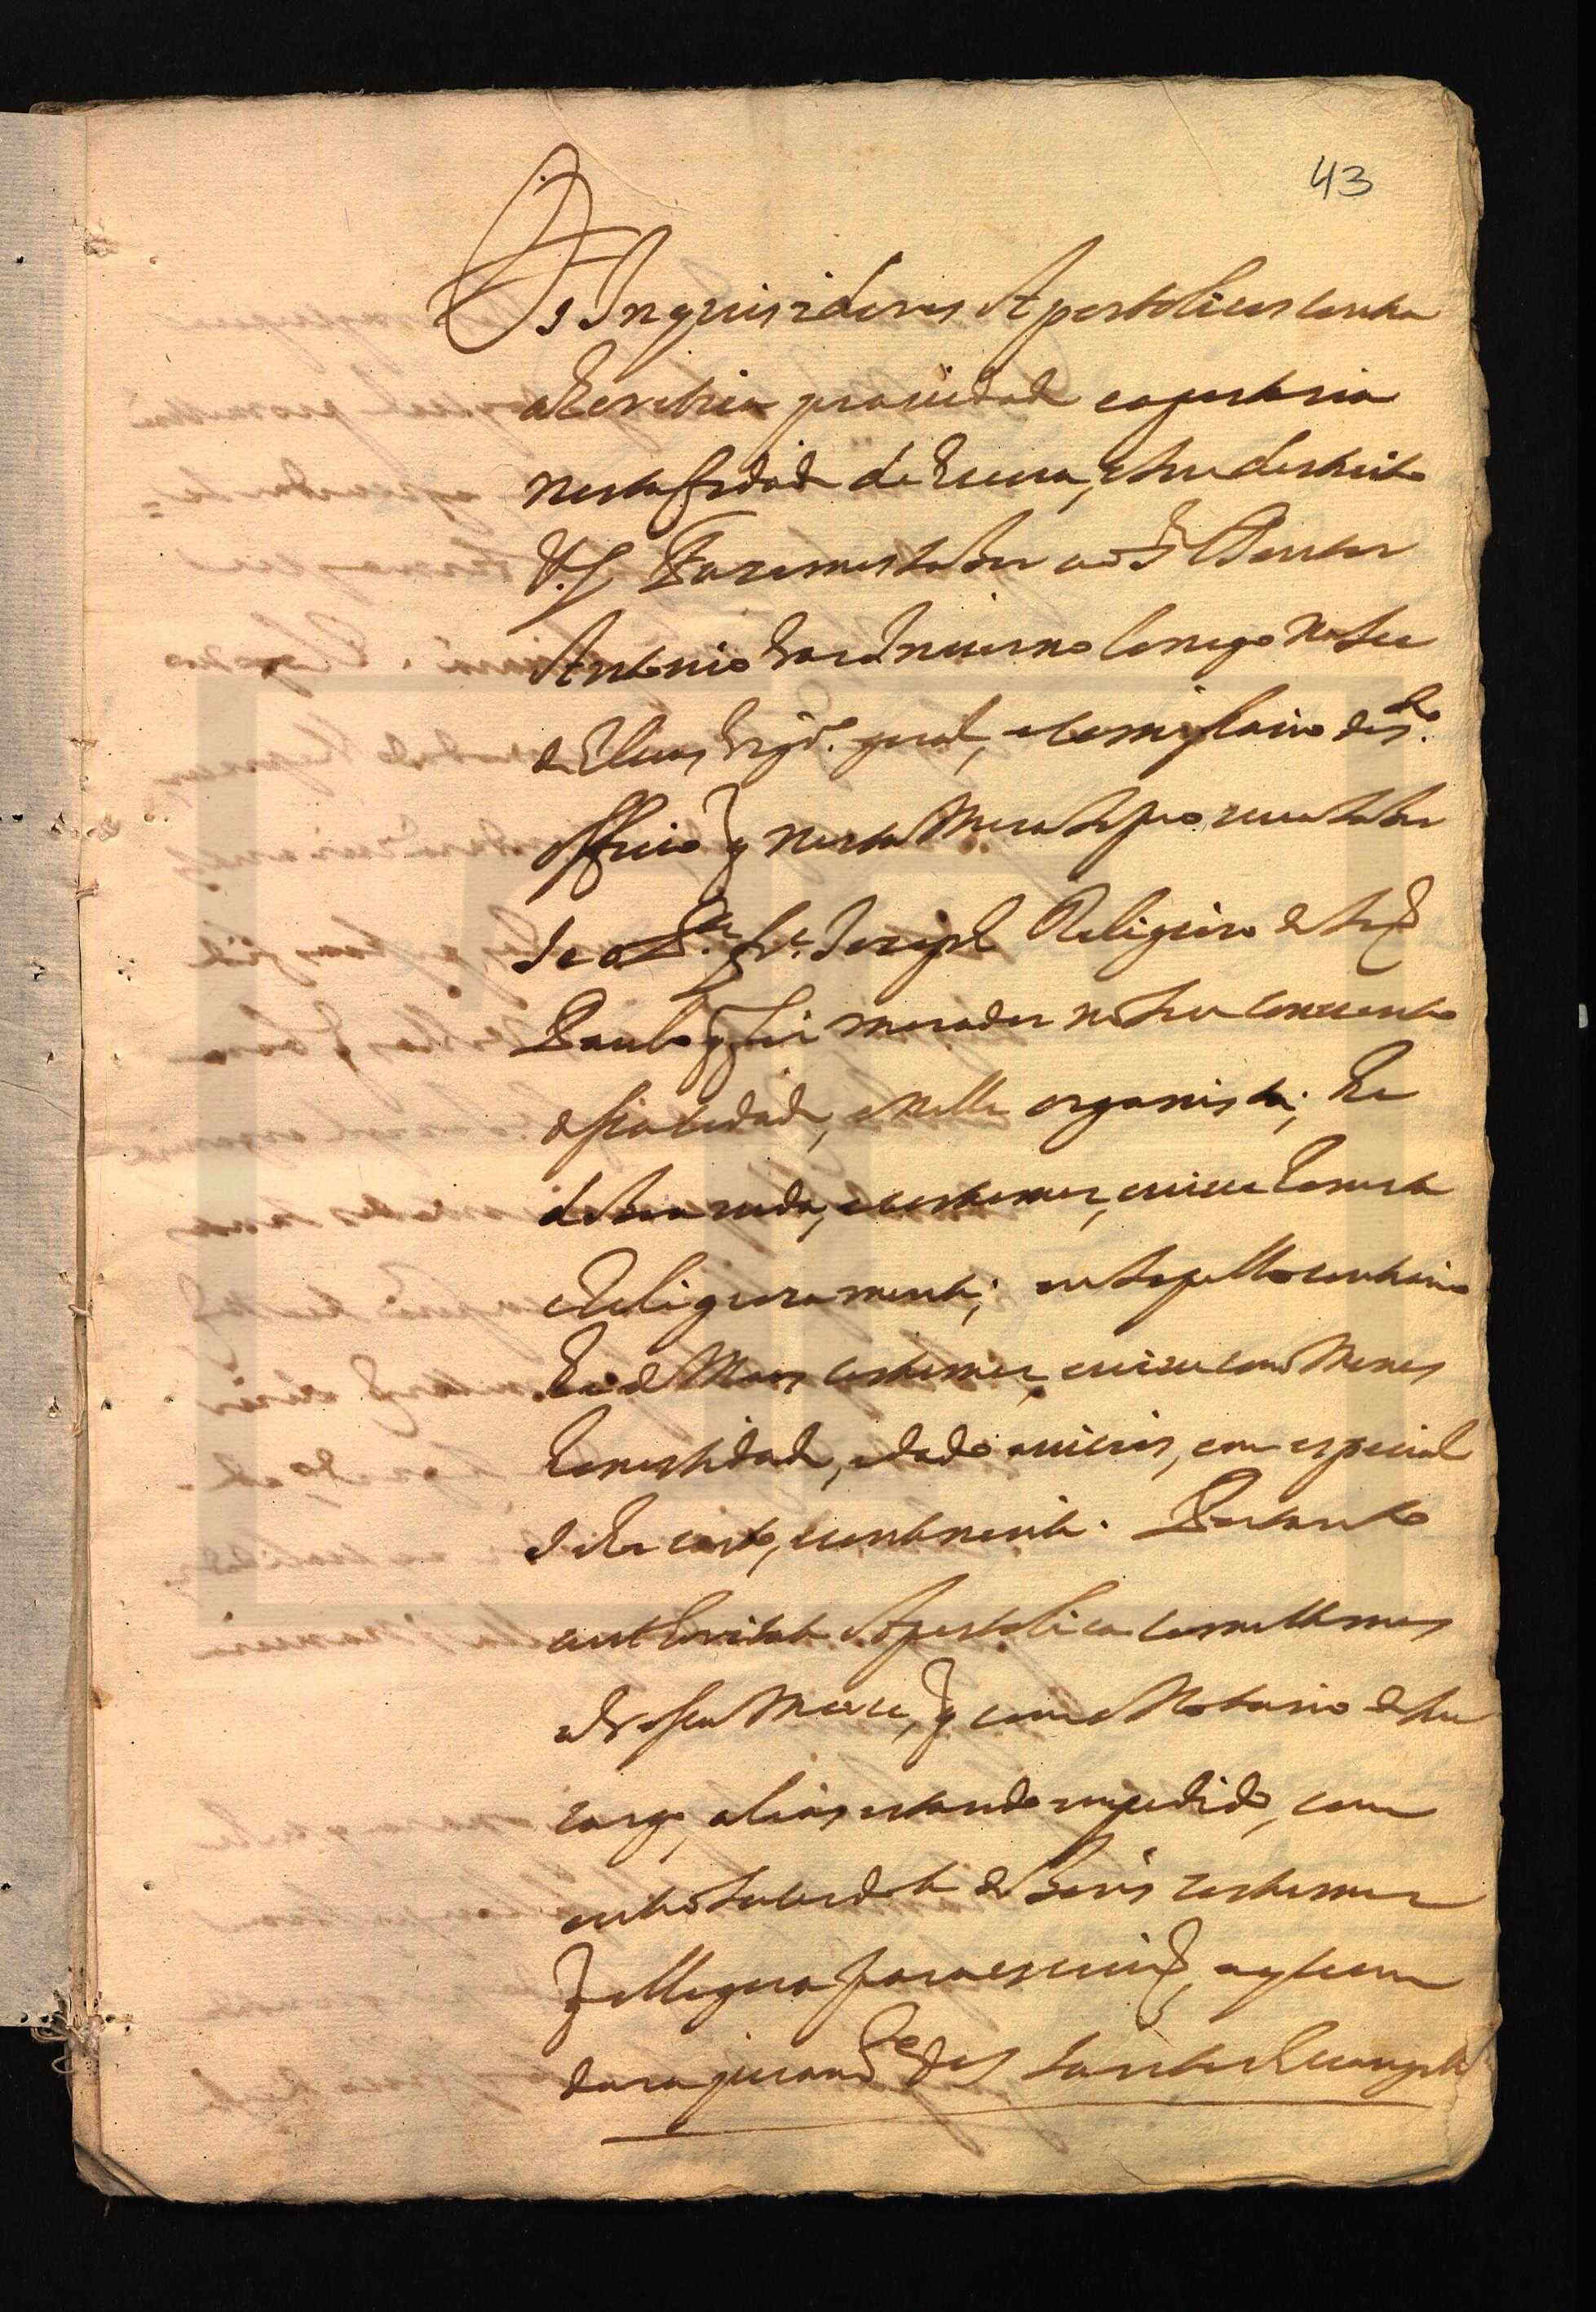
Os Inquisidores Apostolicos contra
a heretica prauidade e apostazia
nesta Cidade de Euora, e seu destricto
V. S Fazemes saber ao sor Doutor
Antonio Vaz Inuerno Conego na See
de Eluas Vigr.o geral, e comissairo de s.to
officio q̄ nesta Meza se procura saber
se o P.e fr.e Iozeph Religiozo de Saõ
Paulo q̄ foi morador no seu conuento
dessa cidade, e nella organista; he
de boa uida, e costumes, e uiue homra
e Religiozamente; ou se pello contrario
he de Maos costumes, e uiue com Menos
honestidade, e dado a uicios, em especial
se he certo, e continente. Portanto
authoritate Apostolica comettemos
a Vossa merce, q̄ com o Notario de seu
cargo, alias estando impedido, com
outro sacerdote de bons costumes
q̄ ellegera para escriuaõ, a quem
dara juramto dos santos Euangelh
